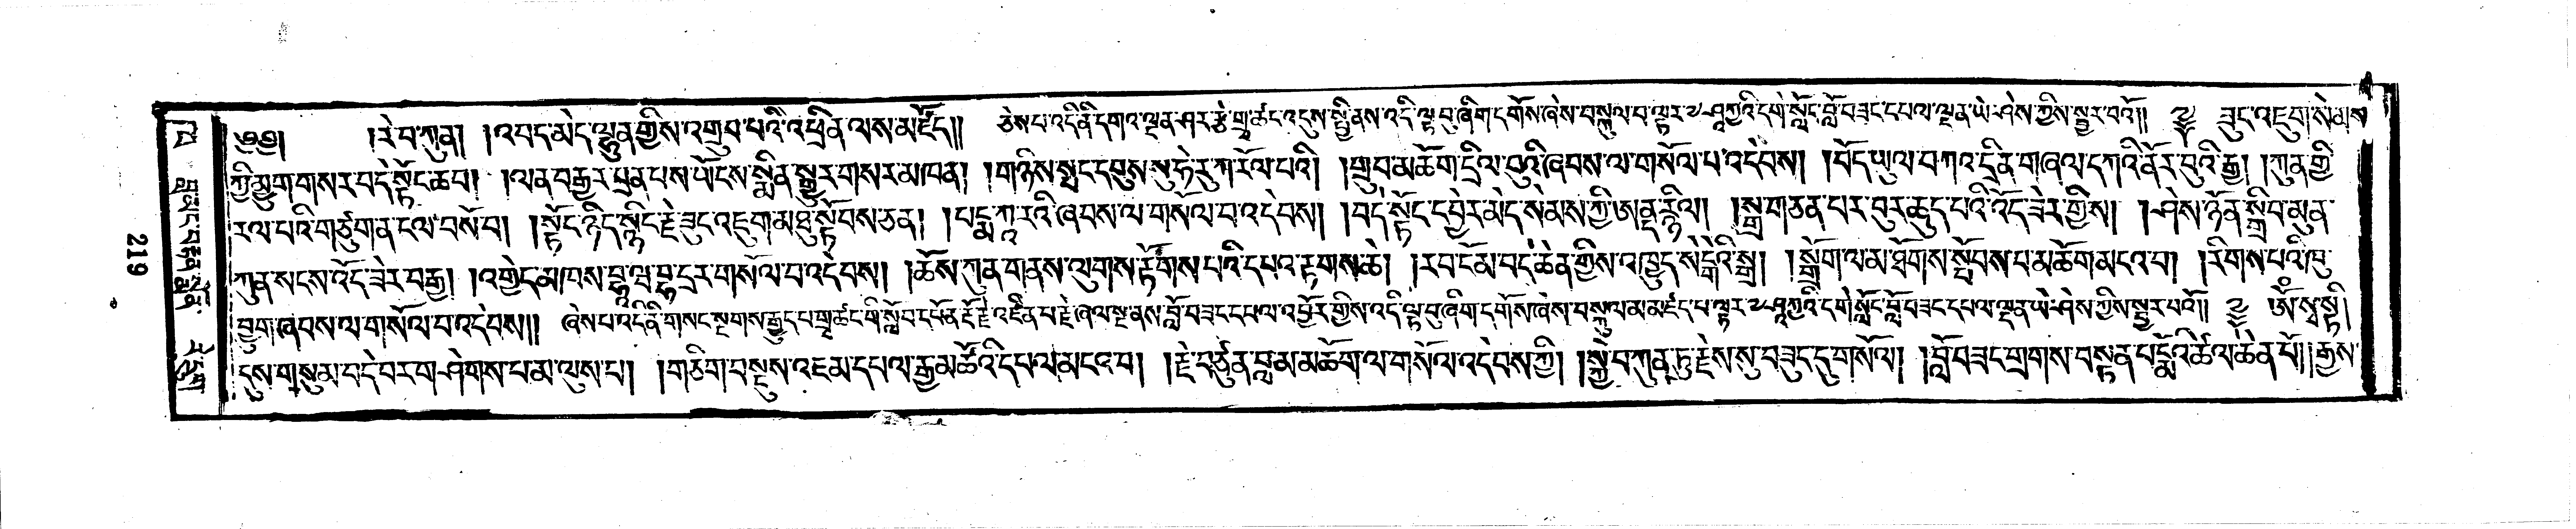༄༅། །རེ་བ་ཀུན། །འབད་མེད་ལྷུན་གྱིས་འགྲུབ་པའི་འཕྲིན་ལས་མཛོད།། ཅེས་པ་འདི་ནི་དགའ་ལྡན་ཤར་རྩེ་གྲྭ་ཚང་འདུས་སྤྱི་ནས་འདི་ལྟ་བུ་ཞིག་དགོས་ཞེས་བསྐུལ་བ་ལྟར་༧་ཤཱཀྱའི་དགེ་སློང་བློ་བཟང་དཔལ་ལྡན་ཡེ་ཤེས་ཀྱིས་སྦྱར་བའོ།། ༈ ཟུང་འཇུག་སེམས་
ཀྱི་མྱུག་གསར་བདེ་སྟོང་ཆབ། །ལན་བརྒྱར་ཕྲན་པས་ཡོངས་སྨིན་སྒྱུར་གསར་མཁན། །གཉིས་སྤང་དབུས་སུ་ཧེ་རུ་ཀ་རོལ་པའི། །གྲུབ་མཆོག་དྲིལ་བུའི་ཞབས་ལ་གསོལ་པ་འདེབས། །བོད་ཡུལ་བཀའ་དྲིན་གཞལ་དཀའི་ནོར་བུའི་རྒྱ། །ཀུན་གྱི་
རལ་པའི་གཙུག་ན་ངལ་བསོ་བ། །སྟོང་ཉིད་སྙིང་རྗེ་ཟུང་འཇུག་མཐུ་སྟོབས་ཅན། །པདམ་ཀཱ་རའི་ཞབས་ལ་གསོལ་བ་འདེབས། །བདེ་སྟོང་དབྱེར་མེད་སེམས་ཀྱི་ཨནྡ་རྙིལ། །སྒྲ་གཅན་པར་བུར་ཆུད་པའི་འོད་ཟེར་གྱིས། །ཤེས་ཉོན་སྒྲིབ་མུན་
ཀུན་སངས་འོད་ཟེར་བརྒྱ། །འགྱེད་མཁས་བྷཱ་ཝ་བྷ་དྲར་གསོལ་བ་འདེབས། །ཆོས་ཀུན་གནས་ལུགས་རྟོགས་པའི་དཔའ་རྟགས་ཆེ། །རབ་ངོམ་བདེ་ཆེན་གྱིས་འཁྱུད་སེངྒེའི་སྒྲ། །སྒྲོག་ལ་མ་ཐོགས་སྤོབས་པ་མཆོག་མངའ་བ། །རིགས་པའི་ཁུ་
བྱུག་ཞབས་ལ་གསོལ་བ་འདེབས།། ཞེས་པ་འདི་ནི་གསང་སྔགས་རྒྱུད་པ་གྲྭ་ཚང་གི་སློབ་དཔོན་རྡོ་རྗེ་འཛིན་པ་རྗེ་ཞལ་སྔ་ནས་བློ་བཟང་དཔལ་འབྱོར་གྱིས་འདི་ལྟ་བུ་ཞིག་དགོས་ཞེས་བསྐུལ་མ་མཛད་པ་ལྟར་༧་ཤཱཀྱའི་དགེ་སློང་བློ་བཟང་དཔལ་ལྡན་ཡེ་ཤེས་ཀྱིས་སྦྱར་པའོ།། ༈ ཨོཾ་སྭསྟི།
དུས་གསུམ་བདེ་བར་གཤེགས་པ་མ་ལུས་པ། །གཅིག་བསྡུས་འཇམ་དཔལ་རྒྱ་མཚོའི་དཔལ་མངའ་བ། །རྗེ་བཙུན་བླ་མ་མཆོག་ལ་གསོལ་འདེབས་ཀྱི། །སྐྱེ་བ་ཀུན་ཏུ་རྗེས་སུ་བཟུང་དུ་གསོལ། །བློ་བཟང་གྲགས་བསྟན་པདམོའི་ཚལ་ཆེན་པོ། །རྒྱས་